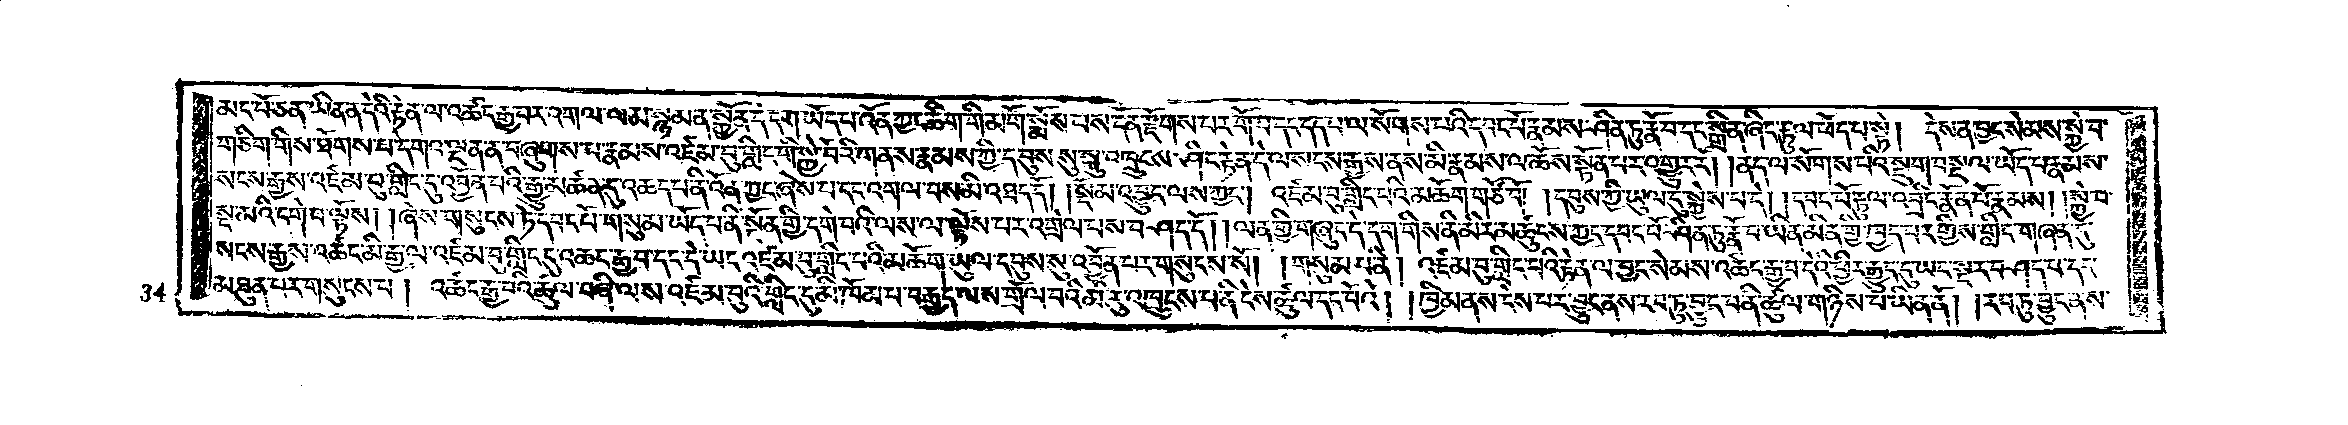མང་པོ་ཅན་ཡིན་ན་དེའི་རྟེན་ལ་འཚང་རྒྱ་བར་འགལ་ལམ་སྙམ་ན་སྐྱོན་དེ་དག་ཡོད་པ་འོན་ཀྱང་ཚིག་གི་མགོ་སྨོས་པས་དོན་རྫོགས་པར་གོ་བ་དང་དད་པ་ལ་སོགས་པའི་དབང་པོ་རྣམས་ཤིན་ཏུ་རྣོ་བ་དང་སྒྲིན་ཞིང་རྟུལ་ཕོད་པ་སྟེ། དེས་ན་བྱང་སེམས་སྐྱེ་བ་
གཅིག་གིས་ཐོགས་པ་དགའ་ལྡན་ན་བཞུགས་པ་རྣམས་འཛམ་བུ་གླིང་གི་སྐྱེ་བོའི་གནས་རྣམས་ཀྱི་དབུས་སུ་སྐུ་འཁྲུངས་ཤིང་རྟེན་དེ་ལ་སངས་རྒྱས་ནས་མི་རྣམས་ལ་ཆོས་སྟོན་པར་འགྱུར་རོ། །ནད་ལ་སོགས་པའི་སྡུག་བསྔལ་ཡོད་པ་རྣམས་
སངས་རྒྱས་འཛམ་བུ་གླིང་དུ་འབྱོན་པའི་རྒྱུ་མཚན་དུ་འཆད་པ་ནི་འོན་ཀྱང་ཞེས་པ་དང་འགལ་བས་མི་འཐད་དོ། །སྡོམ་འབྱུང་ལས་ཀྱང་། འཛམ་བུ་གླིང་པའི་མཆོག་གཙོ་བོ། །དབུས་ཀྱི་ཡུལ་དུ་སྐྱེས་པ་དེ། །དབང་པོ་རྟུལ་འབྲིང་རྣོན་པོ་རྣམས། །སྐྱེ་བ་
སྔ་མའི་དགེ་བ་ལྟོས། །ཞེས་གསུངས་ཏེ་དབང་པོ་གསུམ་ཡོད་པ་ནི་སྔོན་གྱི་དགེ་བའི་ལས་ལ་ལྟོས་པར་འགྲེལ་པས་བཤད་དོ། །ལན་གྱི་གཞུང་དེ་དག་གིས་ནི་མིར་མཚུངས་ཀྱང་དབང་པོ་ཤིན་ཏུ་རྣོ་བ་ཡིན་མིན་གྱི་ཁྱད་པར་གྱིས་གླིང་གཞན་དུ་
སངས་རྒྱས་འཚང་མི་རྒྱ་ལ་འཛམ་བུ་གླིང་དུ་འཚང་རྒྱ་བ་དང་དེ་ཡང་འཛམ་བུ་གླིང་པའི་མཆོག་ཡུལ་དབུས་སུ་འབྱོན་པར་གསུངས་སོ། །གསུམ་པ་ནི། འཛམ་བུ་གླིང་པའི་རྟེན་ལ་བྱང་སེམས་འཚང་རྒྱ་བ་དེའི་ཕྱིར་རྒྱུད་དུ་ཡང་སྔར་བཤད་པ་དང་
མཐུན་པར་གསུངས་པ། འཚང་རྒྱ་བའི་ཚུལ་བཞི་ལས་འཛམ་བུའི་གླིང་དུ་མི་ཁོམ་པ་བརྒྱད་ལས་གྲོལ་བའི་མི་རུ་འཁྲུངས་པ་ནི་ངེས་ཚུལ་དང་པོའོ། །ཁྱིམ་ནས་ངེས་པར་བྱུང་ནས་རབ་ཏུ་བྱུང་བ་ནི་ཚུལ་གཉིས་པ་ཡིན་ནོ། །རབ་ཏུ་བྱུང་ནས་